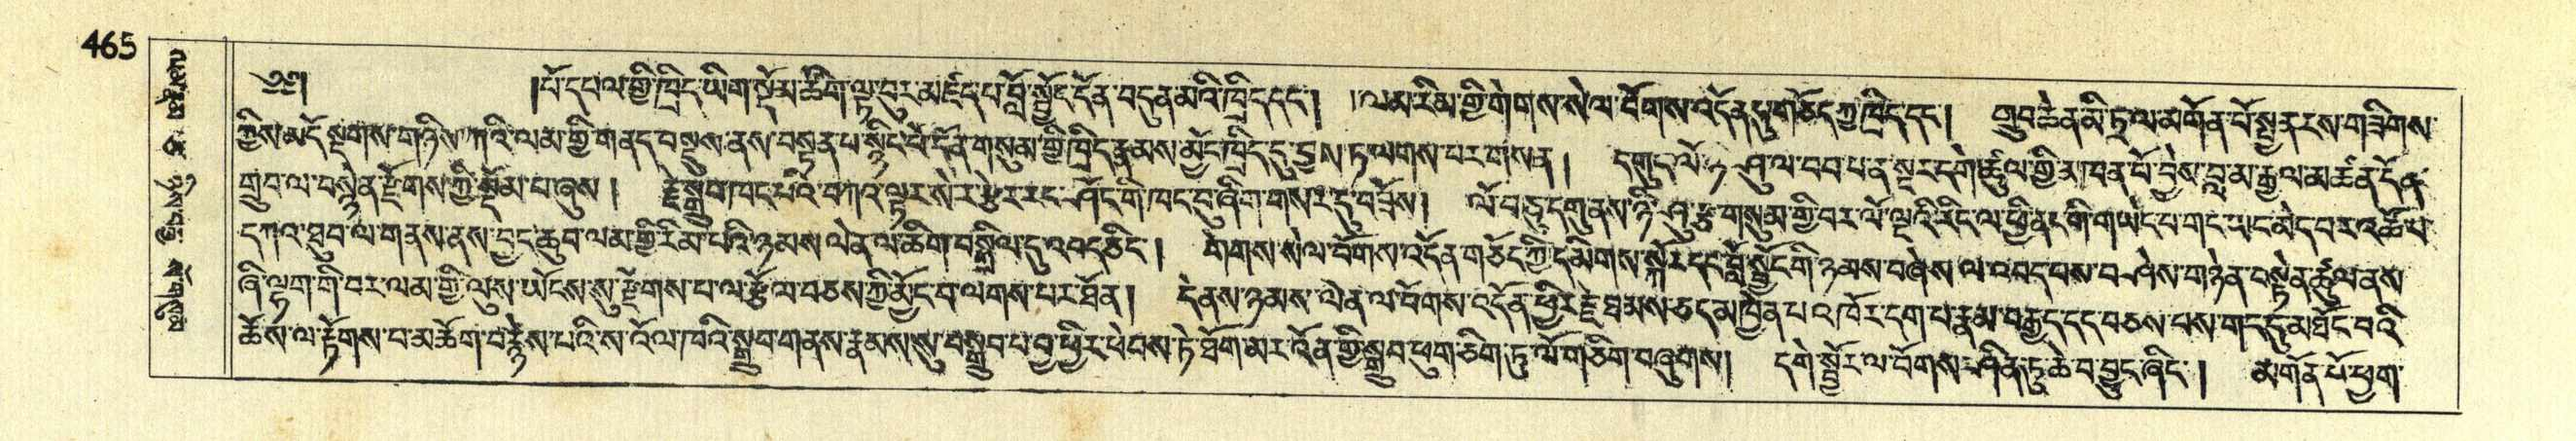༄༅། །པོ་དཔལ་གྱི་ཁྲིད་ཡིག་སྡོམ་ཚིག་ལྟ་བུར་མཛད་པ་བློ་སྦྱོང་དོན་བདུན་མའི་ཁྲིད་དང་། །ལམ་རིམ་གྱི་གེགས་སེལ་བོགས་འདོན་དུ་གཅོད་ཀྱ་ཁྲིད་དང་། གྲུབ་ཆེན་མི་ཏྲ་ལ་མགོན་པོ་སྤྱན་རས་གཟིགས་
ཀྱིས་མདོ་སྔགས་གཉིས་ཀའི་ལམ་གྱི་གནད་བསྡུས་ནས་བསྟན་པ་སྙིང་པོ་དོན་གསུམ་གྱི་ཁྲིད་རྣམས་མྱོང་ཁྲིད་དུ་བྱས་ཏེ་ལགས་པར་གསན། དགུང་ལོ་ཉི་ཤུ་ལ་བབ་པ་ན་སྔར་དགེ་ཚུལ་གྱི་མཁན་པོ་བྱེས་བླ་མ་རྒྱལ་མཚན་དོན་
གྲུབ་ལ་བསྙེན་རྫོགས་ཀྱི་སྡོམ་པ་ཞུས། རྗེ་སྒྲུབ་ཁང་པའི་བཀའ་ལྟར་སེ་ར་རྩེར་རང་ཤོང་གི་ཁང་བུ་ཞིག་གསར་དུ་བཟོས། ལོ་བཅུ་དགུ་ནས་ཉི་ཤུ་རྩ་གསུམ་གྱི་བར་ལོ་ལྔའི་རིང་ལ་ཕྱི་ནང་གི་གཡེང་པ་གང་ཡང་མེད་པར་འཚོལ་
དཀའ་ཐུབ་ལ་གནས་ནས་བྱང་ཆུབ་ལམ་གྱི་རིམ་པའི་ཉམས་ལེན་ལ་ཚིག་བསྒྲིལ་དུ་འབད་ཅིང་། གེགས་སེལ་བོགས་འདོན་གཅོད་ཀྱི་དམིགས་སྐོར་དང་བློ་སྦྱོང་གི་ཉམས་བཞེས་ལ་འབད་པས་བཤེས་གཉེན་བསྟེན་ཚུལ་ནས་
ཞི་ལྷག་གི་བར་ལམ་གྱི་ལུས་ཡོངས་སུ་རྫོགས་པ་ལ་རྩོལ་བཅས་ཀྱི་མྱོང་བ་ལགས་པར་ཐོན། དེ་ནས་ཉམས་ལེན་ལ་བོགས་འདོན་ཕྱིར་རྗེ་ཐམས་ཅད་མཁྱེན་པ་འཁོར་དག་པ་རྣམ་བརྒྱད་དང་བཅས་པས་གང་དུ་མཐོང་བའི་
ཆོས་ལ་རྟོགས་པ་མཆོག་བརྙེས་པའི་ས་འོལ་ཁའི་སྒྲུབ་གནས་རྣམས་སུ་བསྒྲུབ་པ་བྱ་ཕྱིར་ཕེབས་ཏེ་ཐོག་མར་འོན་གྱི་སྒྲུབ་ཕུག་ཅིག་ཏུ་ལོ་གཅིག་བཞུགས། དགེ་སྦྱོར་ལ་བོགས་ཤིན་ཏུ་ཆེ་བ་བྱུང་ཞིང་། མགོན་པོ་ཕྱག་